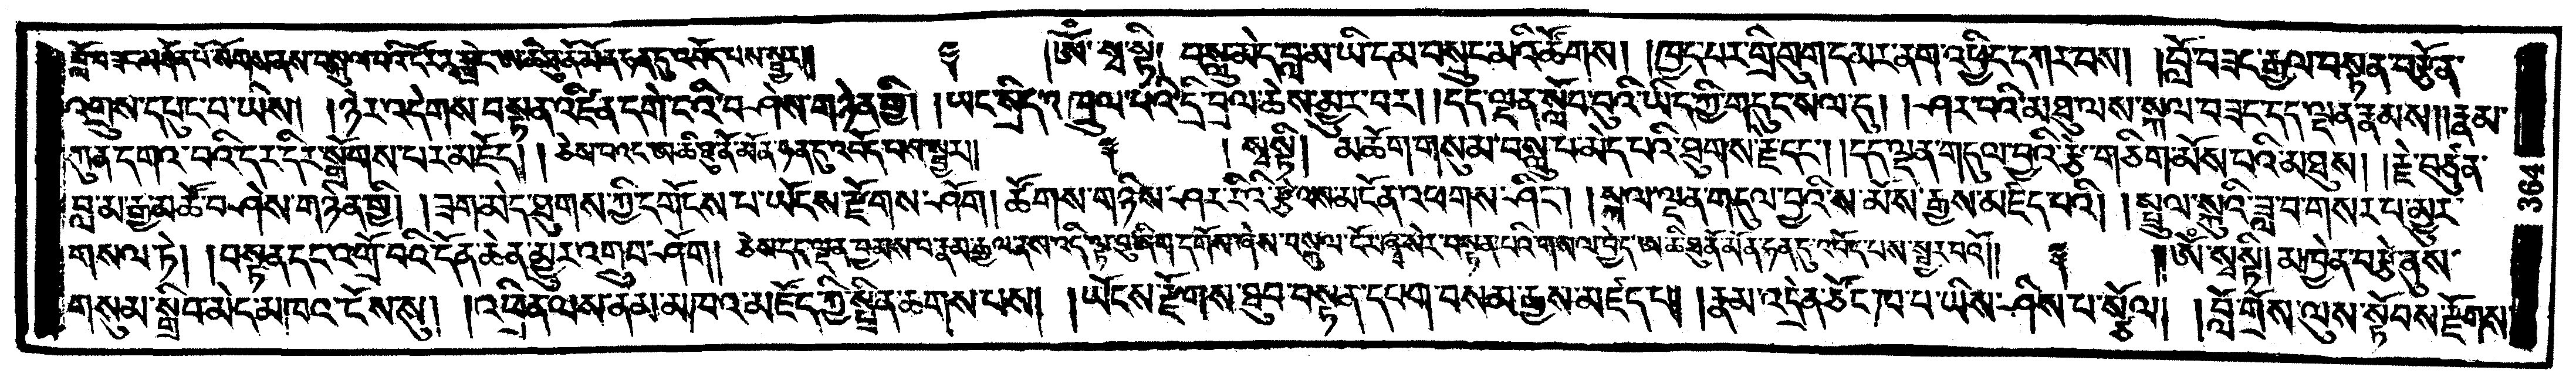བློ་བཟང་མགོན་པོ་སོགས་ནས་བསྐུལ་བའི་ངོར་རྭ་སྒྲེང་ཨ་ཆི་ཐུ་ནོ་མོན་ཧན་དུ་འབོད་པས་སྦྱར།། ༈ །།ཨོཾསྭ་སྟི། བསླུ་མེད་བླ་མ་ཡི་དམ་བསྲུང་མའི་ཚོགས། །ཁྱད་པར་གྲི་གུག་དམར་ནག་འཕྱིང་དཀར་བས། །བློ་བཟང་རྒྱལ་བསྟན་བརྩོན་
འགྲུས་དཔུང་བ་ཡིས། །ཉེར་འདེགས་བསྟན་འཛིན་དགེ་བའི་བཤེས་གཉེན་གྱི། །ཡང་སྲིད་འཁྲུལ་པའི་དྲི་བྲལ་ཆེས་མྱུར་བར། །དད་ལྡན་སློབ་བུའི་ཡིད་ཀྱི་གདུང་སེལ་དུ། །ཤར་བའི་མཐུ་ལས་སྐལ་བཟང་དད་ལྡན་རྣམས། །རྣམ་
ཀུན་དགའ་བའི་དར་དིར་སྒྲོགས་པར་མཛོད། །ཅེས་པའང་ཨ་ཆི་ཐུ་ནོ་མོན་ཧན་དུ་འབོད་པས་སྦྱར།། ༈ །སྭསྟི། མཆོག་གསུམ་བསླུ་བ་མེད་པའི་ཐུགས་རྗེ་དང་། །དད་ལྡན་གདུལ་བྱའི་རྩེ་གཅིག་མོས་པའི་མཐུས། །རྗེ་བཙུན་
བླ་མ་རྒྱ་མཚོ་བཤེས་གཉེན་གྱི། །ཟག་མེད་ཐུགས་ཀྱི་དགོངས་པ་ཡོངས་རྫོགས་ཤོག །ཚོགས་གཉིས་ཤར་རིའི་རྩེ་ལས་མངོན་འཕགས་ཤིང་། །སྐལ་ལྡན་གདུལ་བྱའི་ས་མོས་རྒྱས་མཛད་པའི། །སྤྲུལ་སྐུའི་ཟླ་བ་གསར་པ་མྱུར་
གསལ་ཏེ། །བསྟན་དང་འགྲོ་བའི་དོན་ཆེན་མྱུར་འགྲུབ་ཤོག །ཅེས་དད་ལྡན་བྱམས་པ་རྣམ་རྒྱལ་ནས་འདི་ལྟ་བུ་ཞིག་དགོས་ཞེས་བསྐུལ་ངོར་ཞྭ་སེར་བསྟན་པའི་གསལ་བྱེད་ཨ་ཆི་ཐུ་ནོ་མོན་ཧན་དུ་འབོད་པས་སྦྱར་བའོ།། ༈ །།ཨོཾ་སྭསྟི། མཁྱེན་བརྩེ་ནུས་
གསུམ་སྒྲིབ་མེད་མཁའ་ངོས་སུ། །འཕྲིན་ལས་ནམ་མཁའ་མཛོད་ཀྱི་སྤྲིན་ཆགས་པས། །ཡོངས་རྫོགས་ཐུབ་བསྟན་དཔག་བསམ་རྒྱས་མཛད་པ། །རྣམ་འདྲེན་ཙོང་ཁ་པ་ཡིས་ཤིས་པ་སྩོལ། །བློ་གྲོས་ལུས་སྟོབས་རྫོགས་